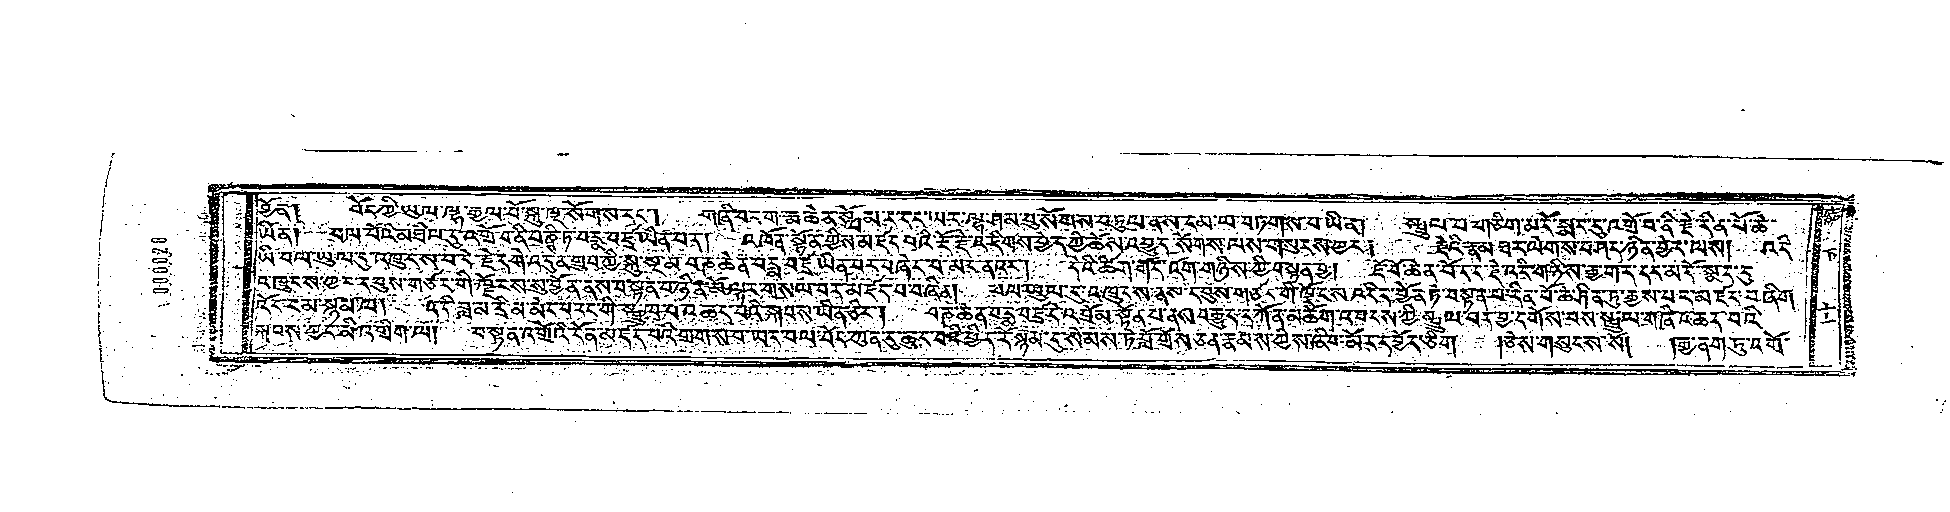བྱོན། བོད་ཀྱི་ཡུལ་ལྷ་རྒྱལ་པོ་སྐུ་ལྔ་སོགས་དང་། གཞི་བདག་རྨ་ཆེན་སྤོམ་ར་དང་ཡར་ལྷ་ཤམ་བུ་སོགས་བཏུལ་ནས་དམ་ལ་བཏགས་པ་ཡིན། སྤྲུལ་པ་གཅིག་མདོ་སྨད་དུ་འགྲོ་བ་ནི་རྗེ་རིན་པོ་ཆེ་
ཡིན། བལ་པོའི་མཐིལ་དུ་འགྲོ་བ་ནི་པཎྜི་ཏ་པདམ་བཛྲ་ཡིན་པར། འཁོན་སྟོན་གྱིས་མཛད་པའི་རྡོ་རྗེ་འཇིགས་བྱེད་ཀྱི་ཆོས་འབྱུང་སོགས་ལས་གསུངས་ཀྱང་། རྗེའི་རྣམ་ཐར་ལེགས་བཤད་ཉིན་བྱེད་ལས། འདི་
ཡི་བལ་ཡུལ་དུ་འཁྲུངས་པ་དེ་རྗེ་དགེ་འདུན་གྲུབ་ཀྱི་སྐུ་སྔ་མ་པཎ་ཆེན་པདམ་བཛྲ་ཡིན་པར་བཞེང་བ་མང་ནའང་། དེའི་ཚིག་གོང་འོག་གཉིས་ཀྱི་བསྟན་བྱ། ཇོ་བོ་ཆེན་པོ་དང་རྗེ་འདི་གཉིས་རྒྱ་གར་དང་མདོ་སྨད་དུ་
འཁྲུངས་ཀྱང་དབུས་གཙང་གི་ལྗོངས་སུ་བྱོན་ནས་བསྟན་པ་ཉིན་མོ་ལྟར་གསལ་བར་མཛད་པ་བཞིན། བལ་ཡུལ་དུ་འཁྲུངས་ནས་དབུས་གཙང་གི་ལྗོངས་འདིར་བྱོན་ཏེ་བསྟན་པ་རིན་པོ་ཆེ་ཤིན་ཏུ་རྒྱས་པར་མཛད་པ་ཞིག་
འོང་ངམ་སྙམ་ལ། འདི་བླ་མ་དྲི་མ་མེད་པ་རང་གི་སྤྲུལ་པ་འཆང་བའི་སྐབས་ཡིན་ཅིང་། པཎ་ཆེན་པདམ་བཛྲ་དེ་འབྲོམ་སྟོན་པ་ནས་བརྒྱུད་དཀོན་མཆོག་འབངས་ཀྱི་སྤྲུལ་བར་བྱ་དགོས་པས་སྤྲུལ་གཞི་འཆར་བའི་
སྐབས་ཀྱང་མི་འགྲིག་ལ། བསྟན་འགྲོའི་དོན་མཛད་པའི་གྲགས་པ་ཡང་བལ་བོད་ཀུན་དུ་ཆུང་བའི་ཕྱིར་རོ་སྙམ་དུ་སེམས་ཏེ་བློ་གྲོས་ཅན་རྣམས་ཀྱིས་ཞིབ་མོར་དཔྱོད་ཅིག །ཅེས་གསུངས་སོ། །རྒྱ་ནག་ཏུ་འགྲོ་